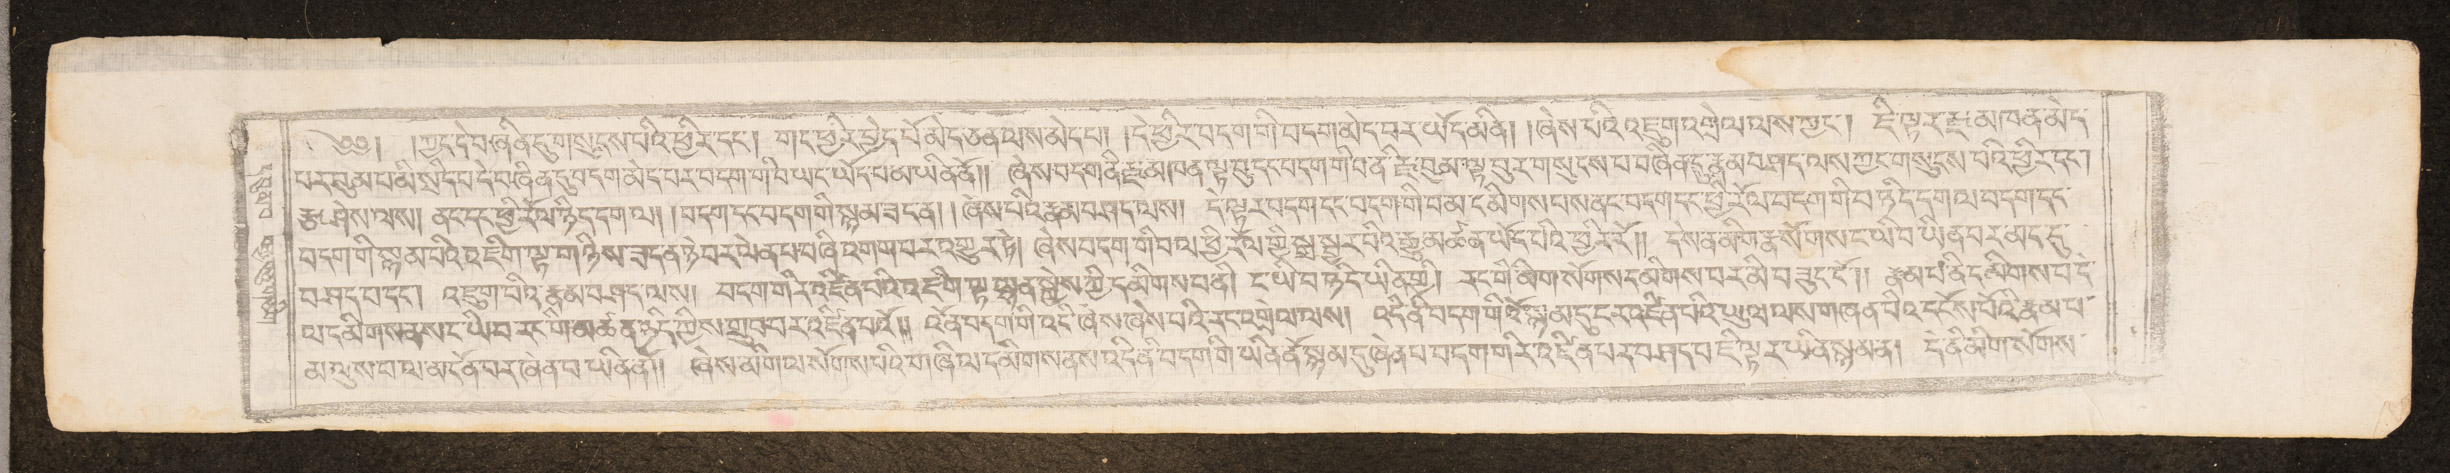༄༅། །ཀྱང་དེ་བཞིན་དུ་གསུངས་པའི་ཕྱིར་དང་། གང་ཕྱིར་བྱེད་པོ་མེད་ཅན་ལས་མེད་པ། །དེ་ཕྱིར་བདག་གི་བདག་མེད་པར་ཡོད་མིན། །ཞེས་པའི་འཇུག་འགྲེལ་ལས་ཀྱང་། ཇི་ལྟར་རྫ་མཁན་མེད་
པར་བུམ་པ་མི་སྲིད་པ་དེ་བཞིན་དུ་བདག་མེད་པར་བདག་གི་བ་ཡང་ཡོད་པ་མ་ཡིན་ནོ། །ཞེས་བདག་ནི་རྫ་མཁན་ལྟ་བུ་དང་བདག་གི་བ་ནི་རྫ་བུམ་ལྟ་བུར་གསུངས་པ་བཞིན་དུ་རྣམ་བཤད་ལས་ཀྱང་གསུངས་པའི་ཕྱིར་དང་།
རྩ་ཤེས་ལས། ནང་དང་ཕྱི་རོལ་ཉིད་དག་ལ། །བདག་དང་བདག་གི་སྙམ་ཟད་ན། །ཞེས་པའི་རྣམ་བཤད་ལས། དེ་ལྟར་བདག་དང་བདག་གི་བ་མ་དམིགས་པས་ནང་བདག་དང་ཕྱི་རོལ་བདག་གི་བ་ཉིད་དག་ལ་བདག་དང་
བདག་གི་སྙམ་པའི་འཇིག་ལྟ་གཉིས་ཟད་ན་ཉེ་བར་ལེན་པ་བཞི་འགག་པར་འགྱུར་ཏེ། ཞེས་བདག་གི་བ་ལ་ཕྱི་རོལ་གྱི་སྒྲ་སྦྱར་བའི་རྒྱུ་མཚན་ཡོད་པའི་ཕྱིར་རོ།། དེས་ན་མིག་རྣ་སོགས་པ་༑ཡི་བ་ཡིན་པར་མང་དུ་
བཤད་པ་དང་། འཇུག་པའི་རྣམ་བཤད་ལས། བདག་གིར་འཛིན་པའི་འཇུག་ལྟ་ལྷན་སྐྱེས་ཀྱི་དམིགས་པ་ནི། ང་ཡི་བ་ཉིད་ཡིན་གྱི། རང་གི་མིག་སོགས་དམིགས་པར་མི་བཟུང་ངོ། །རྣམ་པ་ནི་དམིགས་པ་དེ་
ལ་དམིགས་ནས་ང་ཡི་བ་རང་གི་མཚན་ཉིད་ཀྱིས་གྲུབ་པར་འཛིན་པའོ། །འོན་བདག་གི་འདི་ཞེས་པའི་རང་འགྲེལ་ལས། འདི་ནི་བདག་གིའོ་སྙམ་དུ་ངར་འཛིན་པའི་ཡུལ་ལས་གཞན་པའི་དངོས་པོའི་རྣམ་པ་
མ་ལུས་པ་ལ་མངོན་པར་ཞེན་པ་ཡིན་ནོ།། ཞེས་མིག་ལ་སོགས་པའི་གཞི་ལ་དམིགས་ནས་འདི་ནི་བདག་མིག་ཡོན་ནོ་སྙམ་དུ་ཞེན་པ་བདག་གིར་འཛིན་པར་བཤད་པ་ཇི་ལྟར་ཡིན་སྙམ་ན། དེ་ནི་མིག་སོགས་